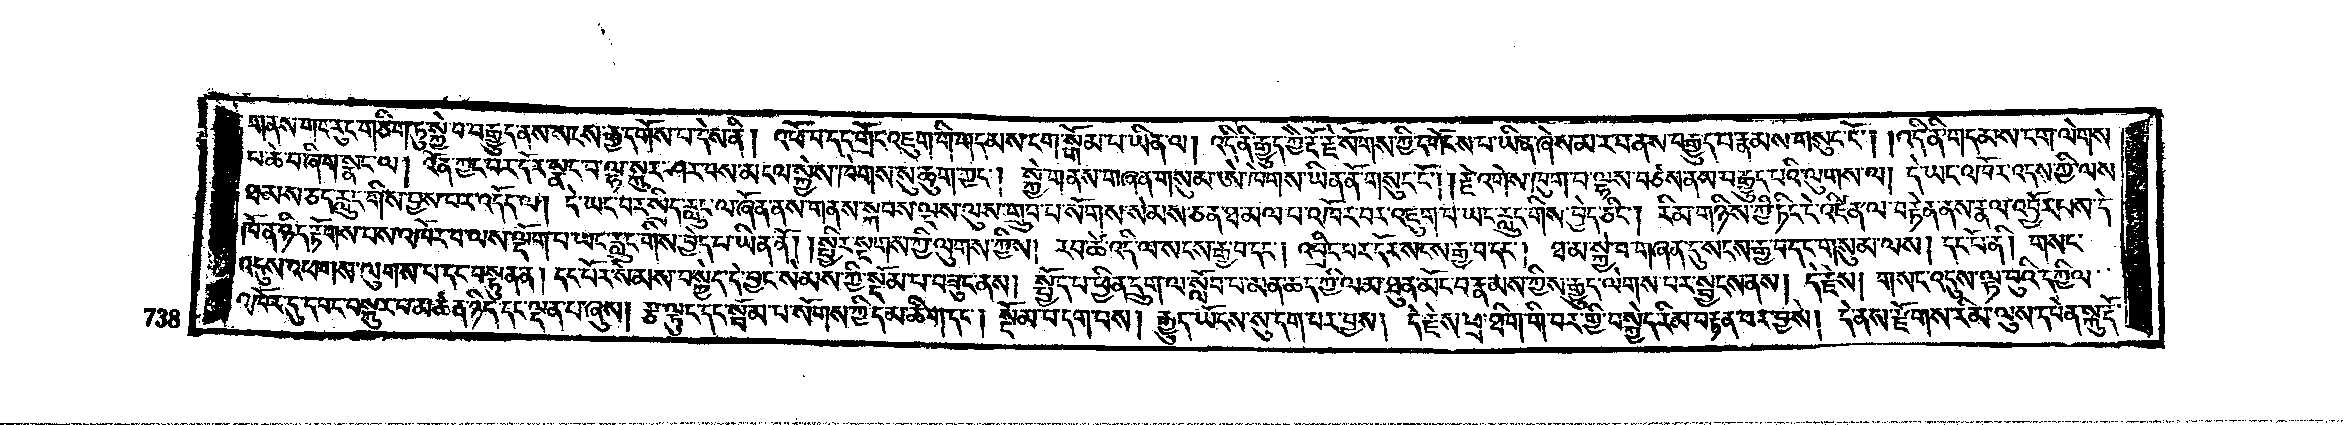གནས་གང་རུང་གཅིག་ཏུ་སྐྱེ་བ་བརྒྱུད་ནས་སངས་རྒྱ་དགོས་པ་དེས་ནི། འཕོ་བ་དང་གྲོང་འཇུག་གི་གདམས་ངག་སྒོམ་པ་ཡིན་ལ། འདི་ནི་རྒྱུད་ཀྱཻ་རྡོ་རྗེ་སོགས་ཀྱི་དགོངས་པ་ཡིན་ཞེས་མ་ར་བ་ནས་བརྒྱུད་པ་རྣམས་གསུང་ངོ། །འདི་ནི་གདམས་ངག་ལེགས་
པ་ཆེ་བ་ཞིག་སྣང་ལ། འོན་ཀྱང་བར་དོར་སྣང་བ་ལྷ་སྐུར་ཤར་བས་མངལ་སྐྱེས་ཁེགས་སུ་ཆུག་ཀྱང་། སྐྱེ་གནས་གཞན་གསུམ་ཨེ་ཁེགས་ཡིན་ནོ་གསུང་ངོ། །རྗེ་འགེས་ཁུག་པ་ལྷས་བཙས་ནས་བརྒྱུད་པའི་ལུགས་ལ། དེ་ཡང་འཁོར་འདས་ཀྱི་ལས་
ཐམས་ཅད་རླུང་གིས་བྱས་པར་འདོད་ལ། དེ་ཡང་བར་སྲིད་རླུང་ལ་ཞོན་ནས་གནས་སྐབས་ལྔས་ལུས་གྲུབ་པ་སོགས་སེམས་ཅན་ཐ་མལ་པ་འཁོར་བར་འཇུག་པ་ཡང་རླུང་གིས་བྱེད་ཅིང་། རིམ་གཉིས་ཀྱི་ཏིང་ངེ་འཛིན་ལ་བརྟེན་ནས་རྣལ་འབྱོར་པས་དེ་
ཁོ་ན་ཉིད་རྟོགས་པས་འཁོར་བ་ལས་ལྡོག་པ་ཡང་རླུང་གིས་བྱེད་པ་ཡིན་ནོ། །སྤྱིར་སྔགས་ཀྱི་ལུགས་ཀྱིས། རབ་ཚེ་འདི་ལ་སངས་རྒྱ་བ་དང་། འབྲིང་བར་དོར་སངས་རྒྱ་བ་དང་། ཐ་མ་སྐྱེ་བ་གཞན་དུ་སངས་རྒྱ་བ་དང་གསུམ་ལས། དང་པོ་ནི། གསང་
འདུས་འཕགས་ལུགས་པ་དང་བསྟུན་ན། དང་པོར་སེམས་བསྐྱེད་དེ་བྱང་སེམས་ཀྱི་སྡོམ་པ་བཟུང་ནས། སྤྱོད་པ་ཕྱིན་དྲུག་ལ་སློབ་པ་མན་ཆད་ཀྱི་ལམ་ཐུན་མོང་བ་རྣམས་ཀྱིས་རྒྱུད་ལེགས་པར་སྦྱངས་ནས། དེ་རྗེས། གསང་འདུས་ལྟ་བུའི་དཀྱིལ་
འཁོར་དུ་དབང་བསྐུར་བ་མཚན་ཉིད་དང་ལྡན་པ་ཞུས། རྩ་ལྟུང་དང་སྦོམ་པ་སོགས་ཀྱི་དམ་ཚིག་དང་། སྡོམ་པ་དག་པས། རྒྱུད་ཡོངས་སུ་དག་པར་བྱས། དེ་རྗེས་ཕྲ་ཐིག་གི་བར་གྱི་བསྐྱེད་རིམ་བརྟན་པར་བྱས། དེ་ནས་རྫོགས་རིམ་ལུས་དཔེན་སྐུ་རྡོ་